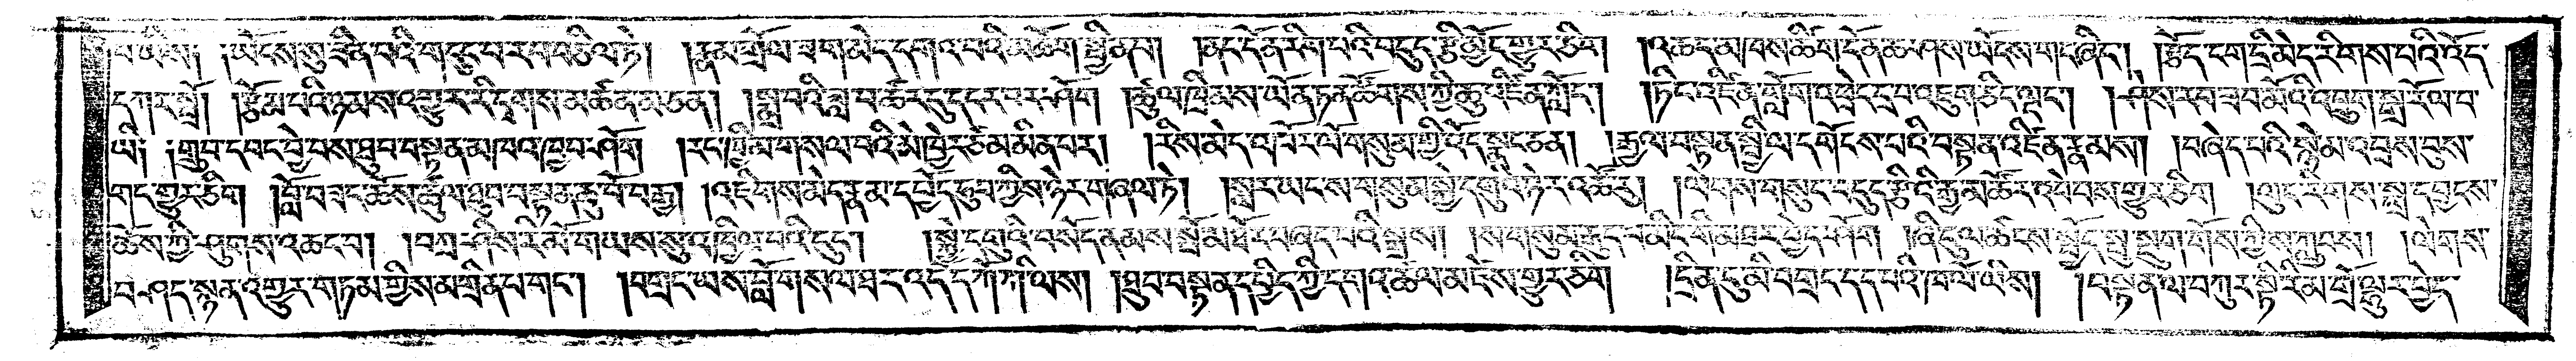པ་ཡིས༑ ༑ཡོངས་སུ་ཟིན་བའི་གདུང་བ་རབ་བཅིལ་ཏེ། །རྣམ་གྲོལ་ཟག་མེད་དགའ་བའི་མཆོག་སྦྱིན་པ། །ནང་དོན་རིག་པའི་བདུད་རྩི་མྱོང་གྱུར་ཅིག། །འཆད་མཁས་ཚིག་དོན་ཆ་ཤས་ཡོངས་གང་ཞིང་། །རྩོད་ངག་དྲི་མེད་རིགས་པའི་འོད་
དཀར་སྤོ། །རྩོམ་པའི་ཉམས་འགྱུར་རི་དྭགས་མཚན་མ་ཅན། །སྨྲ་བའི་ཟླ་བ་ཚར་དུ་དངར་བར་ཤོག །ཚུལ་ཁྲིམས་ཡོན་ཏན་ཚོགས་ཀྱི་ཆུ་འཛིན་ཀློང་། །ཏིང་འཛིན་གློག་འཕྲེང་དྲ་བ་འཇུག་ཅིང་ལྔར། །ཤེས་རབ་ཟབ་མོའི་འབྲུག་སྒྲ་རོལ་བ་
ཡི༑ ༑གྲུབ་དབང་བྱེ་བས་ཐུབ་བསྟན་མཁའ་ཁྱབ་ཤོག །རང་ཁྱིམ་གསལ་བའི་མེ་ཁྱེར་ཙམ་མིན་པར། །རིས་མེད་འཁོར་ལོ་གསུམ་གྱི་འོད་སྣང་ཅན། །རྒྱལ་བསྟན་སྤྱི་ལ་དགོངས་པའི་བསྟན་འཛིན་རྣམས། །བཞེད་པའི་སྙེ་མ་འབྲས་བུས་
གང་གྱུར་ཅིག །བློ་བཟང་ཆོས་ཚུལ་ཐུབ་བསྟན་ཆུ་བོ་བརྒྱ། །འཇིགས་མེད་རྣམ་དབྱོད་ཧུབ་ཀྱིས་ཉེར་གཞལ་ཏེ། །སླར་ཡང་ས་གསུམ་སྐྱེ་དགུའི་ཉེར་འཚོ་རུ། །ལེགས་གསུང་བདུད་རྩིའི་རྒྱ་མཚོར་འབེབས་གྱུར་ཅིག །ལུང་རིགས་སྒྲ་དབྱངས་
ཆོས་ཀྱི་ཤུགས་འཆང་བ། །བཀྲ་ཤིས་རི་མོ་གཡས་སུ་འཁྱིལ་བའི་དུང་། །སྐྱེ་དགུའི་བསོད་ནམས་སྤོ་མཐོར་བཞད་པའི་སྒྲས། །ས་གསུམ་རྒུད་པ་མིང་གི་མཐར་བྱེད་ཤོག །ཞི་ངུལ་ཚངས་སྤྱོད་སྤུ་སྡུག་གོས་ཀྱིས་ཀླུབས། །ལེགས་
བཤད་སྙན་འགྱུར་གཏམ་གྱིས་མགྲིན་པ་གང་། །བགྲང་ཡས་བློ་གསལ་ཐར་འདོད་ཀོ་ཀི་ལས། །ཐུབ་བསྟན་དབྱིད་ཀྱི་དགའ་ཚལ་མཛེས་གྱུར་ཅིག །དྲིན་དུ་མི་བགྲང་དད་བའི་ཁ་ལོ་ཡིས། །བསྟན་ལ་བཀུར་སྟི་རིམ་གྲོ་ལྷུར་བྱེད་